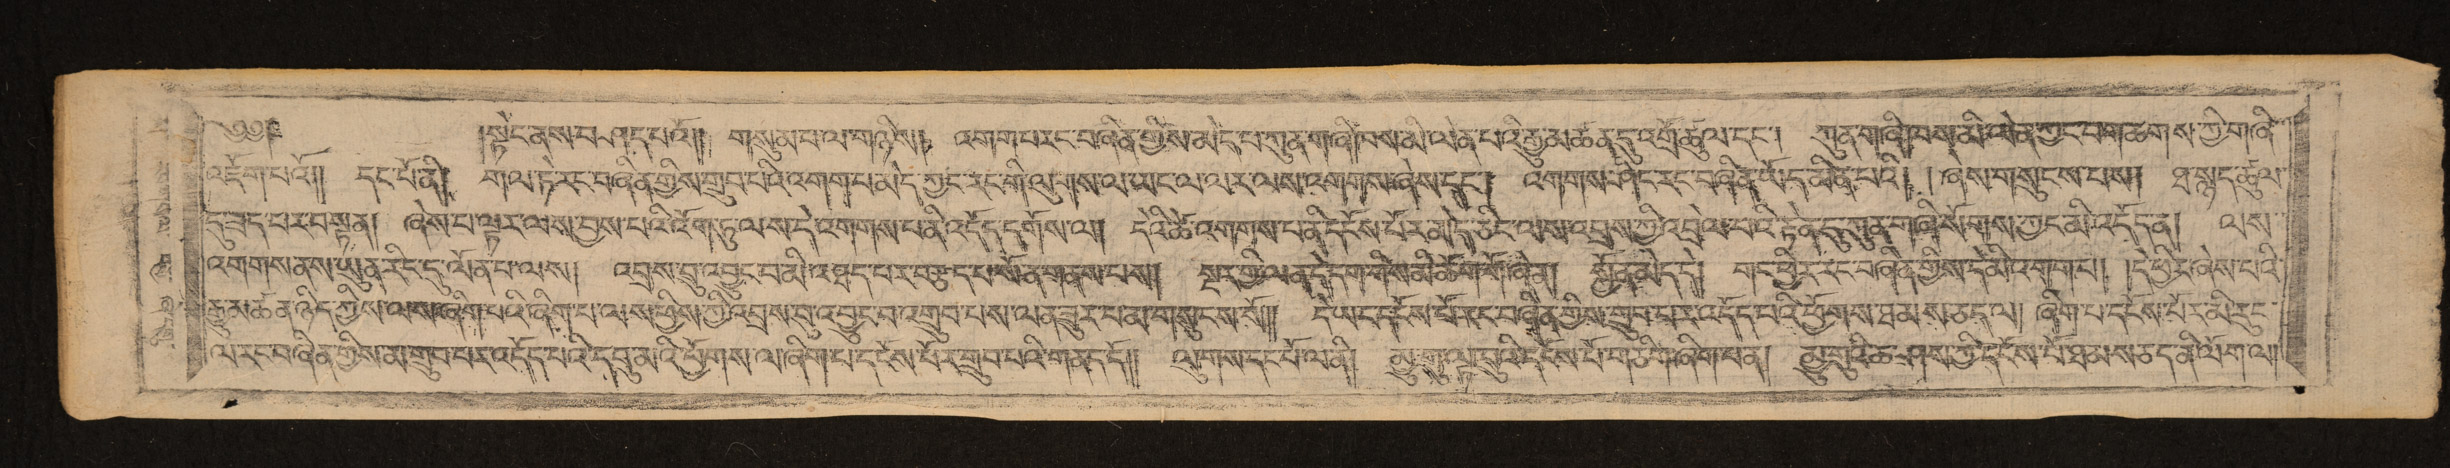༄༅། །སྟེང་ནས་བཤད་པའོ།། གསུམ་པ་ལ་གཉིས། འགག་པ་རང་བཞིན་གྱིས་མེད་པ་ཀུན་གཞི་ཁས་མི་ལེན་པའི་རྒྱུ་མཚན་དུ་འགྲོ་ཚུལ་དང་། ཀུན་གཞི་ཁས་མི་ལེན་ཀྱང་བག་ཆགས་ཀྱི་གཞི་
འཇོག་པའོ།། དང་པོ་ནི། གལ་ཏེ་རང་བཞིན་གྱིས་གྲུབ་པའི་འགག་པ་མེད་ཀྱང་རང་གི་ལུགས་ལ་ཡང་ལ་ལར་ལས་འགགས་ཞེས་དང་། འགགས་ཤིང་རང་བཞིན་ཡོད་མིན་པའི། །ཞེས་གསུངས་པས། ཐ་སྙད་ཚུལ་
དུ་ཟད་པར་བསྟན། ཞེས་པ་ལྟར་ལས་བྱས་པའི་འོག་ཏུ་ལས་དེ་འགགས་པ་ནི་འདོད་དགོས་ལ། དེའི་ཚེ་འགགས་པ་ནི་དངོས་པོར་མེད་ཅིང་ལས་འབྲས་ཀྱི་འབྲེལ་བའི་རྟེན་དུ་ཀུན་གཞི་སོགས་ཀྱང་མི་འདོད་ན། ལས་
འགགས་ནས་ཡུན་རིང་དུ་ལོན་པ་ལས། འབྲས་བུ་འབྱུང་བ་མི་འཐད་པར་བརྩད་པ་སོན་གནས་པས། སྔར་གྱི་ལན་དེ་དག་གིས་མི་ཆོག་གོ་ཞེ་ན། སྐྱོན་མེད་དེ། གང་ཕྱིར་རང་བཞིན་གྱིས་དེ་མི་འགག་པ། དེ་ཕྱིར་ཞེས་པའི་
རྒྱུ་མཚན་ཉིད་ཀྱིས་ལས་ཞིག་པའི་ཞིག་པ་ལས་ཕྱིས་ཀྱི་འབྲས་བུ་འབྱུང་བ་འགྲུབ་པས་ལན་ཟུར་པ་མ་གསུངས་སོ།། དེ་ཡང་དངོས་པོ་རང་བཞིན་གྱིས་གྲུབ་པར་འདོད་པའི་ཕྱོགས་ཐམས་ཅད་ལ། ཞིག་པ་དངོས་པོར་མི་རུང་
ལ་རང་བཞིན་གྱིས་མ་གྲུབ་པར་འདོད་པའི་དབུ་མའི་ཕྱོགས་ལ་ཞིག་པ་དངོས་པོར་གྲུབ་པའི་གནད་དོ།། ལུགས་དང་པོ་ལ་ནི། མྱུ་གུ་ལྟ་བུའི་དངོས་པོ་གཅིག་ཞིག་པ་ན། མྱུ་གུའི་ཆ་ཤས་ཀྱི་དངོས་པོ་ཐམས་ཅད་ནི་ལོག་ལ།